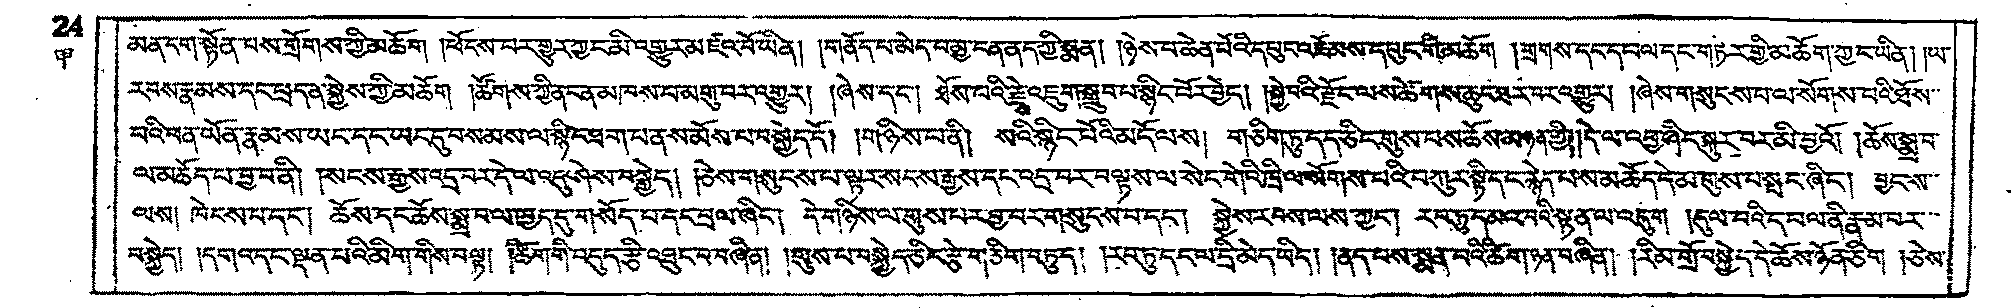མན་ངག་སྟོན་པས་གྲོགས་ཀྱི་མཆོག། ཕོངས་པར་གྱུར་ཀྱང་མི་འགྱུར་མཛའ་བོ་ཡིན། །གནོད་པ་མེད་པ་མྱ་ངན་ནད་ཀྱི་སྨན། །ཉེས་པ་ཆེན་པོའི་དཔུང་འཇོམས་དཔུང་གི་མཆོག། གྲགས་དང་དཔལ་དང་གཏར་གྱི་མཆོག་ཀྱང་ཡིན། །ཡ་
རབས་རྣམས་དང་ཕྲད་ན་སྐྱེས་ཀྱི་མཆོག། ཚོགས་ཀྱི་ན་ངན་མཁས་པ་མགུ་བར་འགྱུར། །ཞེས་དང་། ཐོས་པའི་རྗེས་འཇུག་སྒྲུབ་པ་སྙིང་པོར་བྱེད། །སྐྱེ་བའི་རྫོང་ལས་ཚེགས་ཆུང་ཐར་བར་འགྱུར། །ཞེས་གསུངས་པ་ལ་སོགས་པའི་ཐོས་
པའི་ཕན་ཡོན་རྣམས་ཡང་དང་ཡང་དུ་བསམས་ལ་སྙིང་ཐག་པ་ནས་མོས་པ་བསྐྱེད་དོ། །གཉིས་པ་ནི། སའི་སྙིང་པོའི་མདོ་ལས། གཅིག་ཏུ་དད་ཅིང་གུས་པས་ཆོས་མཉན་གྱི། །དེ་ལ་འཕྱ་ཞིང་སྐུར་བར་མི་བྱའོ། །ཆོས་སྨྲ་བ་
ལ་མཆོད་པ་བྱ་བ་ནི། །སངས་རྒྱས་འདྲ་བར་དེ་ལ་འདུ་ཤེས་བསྐྱེད། །ཅེས་གསུངས་པ་ལྟར་སངས་རྒྱས་དང་འདྲ་བར་བལྟས་ལ་སེང་གེའི་ཁྲི་ལ་སོགས་པའི་བཀུར་སྟི་དང་རྙེད་པས་མཆོད་དེ་མ་གུས་པ་སྤང་ཞིང་། བྱང་ས་
ལས། ཁེངས་པ་དང་། ཆོས་དང་ཆོས་སྨྲ་བ་ལ་ཁྱད་དུ་གསོད་པ་དང་བྲལ་ཞིང་། དེ་གཉིས་ལ་གུས་པར་བྱ་བར་གསུངས་པ་དང་། སྐྱེས་རབས་ལས་ཀྱང་། རབ་ཏུ་དམའ་བའི་སྟན་ལ་འདུག། དུལ་བའི་དཔལ་ནི་རྣམ་པར་
བསྐྱེད། །དགའ་དང་ལྡན་པའི་མིག་གིས་བལྟ། །ཚིག་གི་བདུད་རྩི་འཐུང་བ་བཞིན། །གུས་པ་བསྐྱེད་ཅིང་རྩེ་གཅིག་བཏུད། །རབ་ཏུ་དང་ལ་དྲི་མེད་ཡིད། །ནད་པས་སྨན་པའི་ཚིག་ཉན་བཞིན། །རིམ་གྲོ་བསྐྱེད་དེ་ཆོས་ཉོན་ཅིག། ཅེས་